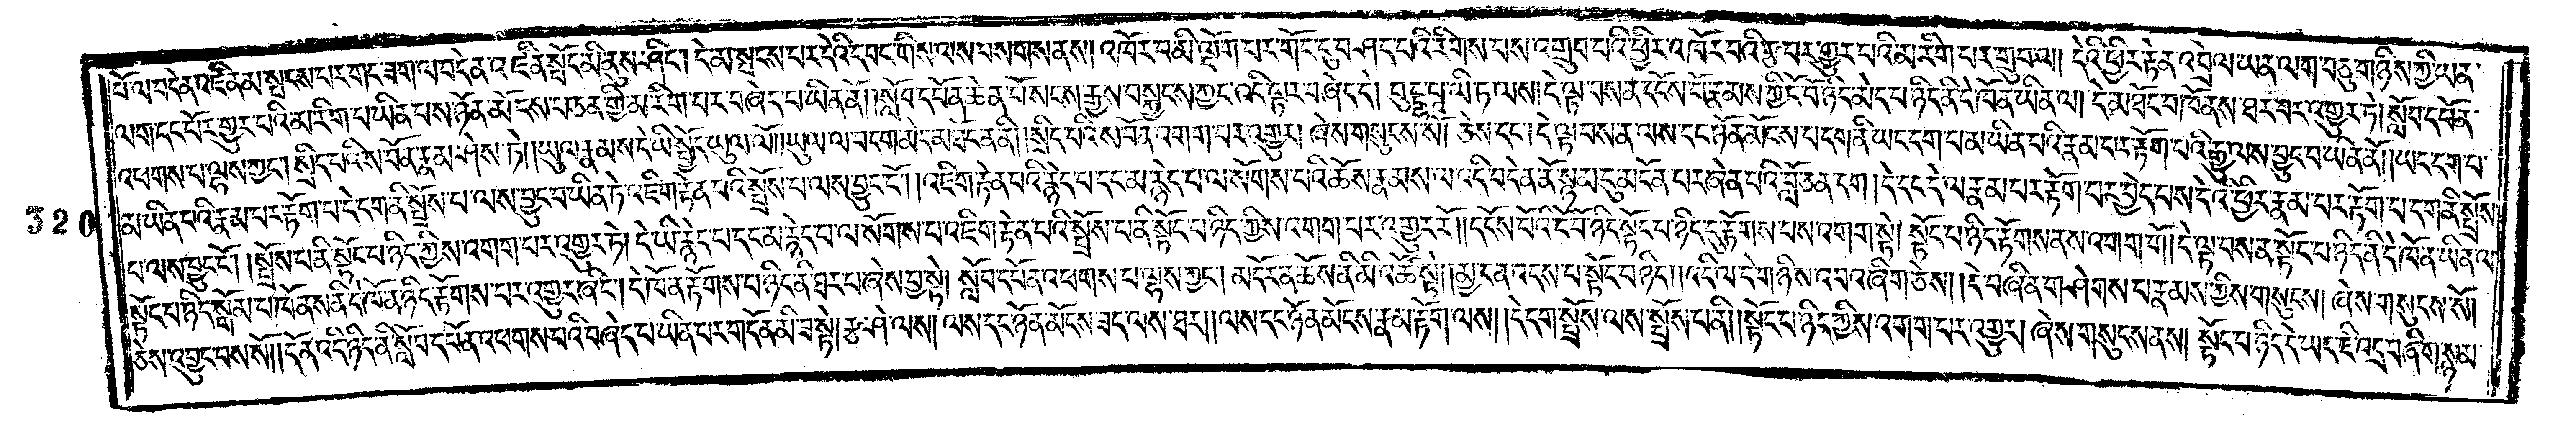པོ་ལ་བདེན་འཛིན་མ་སྤངས་པར་གང་ཟག་ལ་བདེན་འཛིན་སྤོང་མི་ནུས་ཤིང་། དེ་མ་སྤངས་པར་དེའི་དབང་གིས་ལས་བསགས་ནས། འཁོར་བ་མི་ལྡོག་པར་གོང་དུ་བཤད་པའི་རིགས་པས་འགྲུབ་པའི་ཕྱིར་འཁོར་བའི་རྩ་བར་གྱུར་པའི་མ་རག་པར་གྲུབ་ལ། དེའི་ཕྱིར་རྟེན་འབྲེལ་ཡན་ལག་བཅུ་གཉིས་ཀྱི་ཡན་
ལག་དང་པོར་གྱུར་པའི་མ་རིག་པ་ཡིན་པས་ཉོན་མོངས་པ་ཅན་གྱི་མ་རིག་པར་བཞེད་པ་ཡིན་ནོ། །སློབ་དཔོན་ཆེན་པོ་སངས་རྒྱས་བསྐྱངས་ཀྱང་འདི་ལྟར་བཞེད་དེ། བུདྡྷ་པཱ་ལི་ཏ་ལས། དེ་ལྟ་བས་ན་དངོས་པོ་རྣམས་ཀྱི་ངོ་བོ་ཉིད་མེད་པ་ཉིད་ནི་དེ་ཁོ་ན་ཡིན་ལ། དེ་མཐོང་བ་ཁོ་ནས་ཐར་བར་འགྱུར་ཏེ། སློབ་དཔོན་
འཕགས་པ་ལྷས་ཀྱང་། སྲིད་པའི་ས་བོན་རྣམ་ཤེས་ཏེ། །ཡུལ་རྣམས་དེ་ཡི་སྤྱོད་ཡུལ་ལོ། །ཡུལ་ལ་བདག་མེད་མཐོང་ན་ནི། །སྲིད་པའི་ས་བོན་འགག་པར་འགྱུར། ཞེས་གསུངས་སོ། ཅེས་དང་། དེ་ལྟ་བས་ན་ལས་དང་ཉོན་མོངས་པ་དག་ནི་ཡང་དག་པ་མ་ཡིན་པའི་རྣམ་པར་རྟོག་པའི་རྒྱུ་ལས་བྱུང་བ་ཡིན་ནོ། །ཡང་དག་པ་
མ་ཡིན་པའི་རྣམ་པར་རྟོག་པ་དེ་དག་ནི་སྤྲོས་པ་ལས་བྱུང་བ་ཡིན་ཏེ་འཇིག་རྟེན་པའི་སྤྲོས་པ་ལས་བྱུང་ངོ། །འཇིག་རྟེན་པའི་རྙེད་པ་དང་མ་རྙེད་པ་ལ་སོགས་པའི་ཆོས་རྣམས་ལ་འདི་བདེན་ནོ་སྙམ་དུ་མངོན་པར་ཞེན་པའི་བློ་ཅན་དག །དེ་དང་དེ་ལ་རྣམ་པར་རྟོག་པར་བྱེད་པས་དེའི་ཕྱིར་རྣམ་པར་རྟོག་པ་དག་ནི་སྤྲོས་
པ་ལས་བྱུང་ངོ། །སྤྲོས་པ་ནི་སྟོང་པ་ཉིད་ཀྱིས་འགག་པར་འགྱུར་ཏེ། དེ་ཡི་རྙེད་པ་དང་མ་རྙེད་པ་ལ་སོགས་པ་འཇིག་རྟེན་པའི་སྤྲོས་པ་ནི་སྟོང་པ་ཉིད་ཀྱིས་འགག་པར་འགྱུར་རོ། དངོས་པོའི་ངོ་བོ་ཉིད་སྟོང་པ་ཉིད་དུ་རྟོགས་པས་འགག་སྟེ། སྟོང་པ་ཉིད་རྟོགས་ནས་འགག་གོ །དེ་ལྟ་བས་ན་སྟོང་པ་ཉིད་ནི་དེ་ཁོ་ན་ཡིན་ལ་
སྟོང་པ་ཉིད་སྒོམ་པ་ཁོ་ནས་ནི་དེ་ཁོ་ན་ཉིད་རྟོགས་པར་འགྱུར་ཞིང་། དེ་ཁོ་ན་རྟོགས་པ་ཉིད་ནི་ཐར་པ་ཞེས་བྱ་སྟེ། སློབ་དཔོན་འཕགས་པ་ལྷས་ཀྱང་། མདོར་ན་ཆོས་ནི་མི་འཚོ་སྟེ། །མྱ་ངན་འདས་པ་སྟོང་པ་ཉིད། །འདི་ལ་དེ་གཉིས་འབའ་ཞིག་ཅེས། །དེ་བཞིན་གཤེགས་པ་རྣམས་ཀྱིས་གསུངས། ཞེས་གསུངས་སོ།
ཅེས་འབྱུང་བས་སོ། །དོན་འདི་ཉིད་ནི་སློབ་དཔོན་འཕགས་པའི་བཞེད་པ་ཡིན་པར་གདོན་མི་ཟ་སྟེ། རྩ་ཤེ་ལས། ལས་དང་ཉོན་མོངས་ཟད་ལས་ཐར། །ལས་དང་ཉོན་མོངས་རྣམ་རྟོག་ལས། །དེ་དག་སྤྲོས་ལས་སྤྲོས་པ་ནི། །སྟོང་པ་ཉིད་ཀྱིས་འགག་པར་འགྱུར། ཞེས་གསུངས་ནས། སྟོང་པ་ཉིད་དེ་ཡང་ཇི་འདྲ་བཞིག་རྙམ་